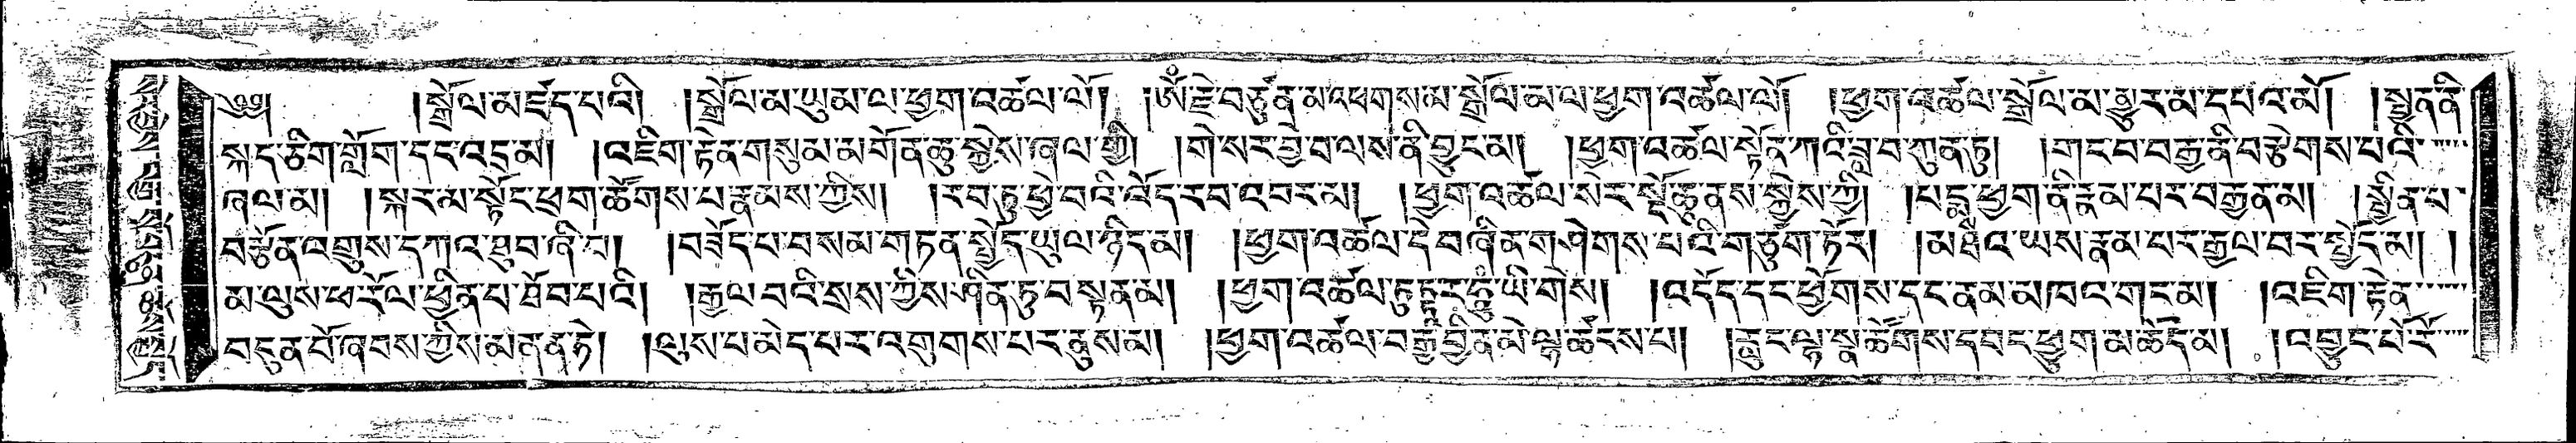༄༅། །སྒྲོལ་མཛད་པའི། །སྒྲོལ་མ་ཡུམ་ལ་ཕྱག་འཚལ་ལོ། །ཨོཾ་རྗེ་བཙུན་མ་འཕགས་མ་སྒྲོལ་མ་ལ་ཕྱག་འཚལ་ལོ། །ཕྱག་འཚལ་སྒྲོལ་མ་མྱུར་མ་དཔའ་མོ། །སྤྱན་ནི་
སྐད་ཅིག་གློག་དང་འདྲ་མ། །འཇིག་རྟེན་གསུམ་མགོན་ཆུ་སྐྱེས་ཞལ་གྱི། །གེ་སར་བྱེ་བ་ལས་ནི་བྱུང་མ། །ཕྱག་འཚལ་སྟོན་ཀའི་ཟླ་བ་ཀུན་ཏུ། །གང་བ་བརྒྱ་ནི་བརྩེགས་པའི་
ཞལ་མ། །སྐར་མ་སྟོང་ཕྲག་ཚོགས་པ་རྣམས་ཀྱིས། །རབ་ཏུ་ཕྱེ་བའི་འོད་རབ་འབར་མ། །ཕྱག་འཚལ་སེར་སྔོ་ཆུ་ནས་སྐྱེས་ཀྱི། །པདམས་ཕྱག་ནི་རྣམ་པར་བརྒྱན་མ། །སྦྱིན་པ་
བརྩོན་འགྲུས་དཀའ་ཐུབ་ཞི་བ། །བཟོད་པ་བསམ་གཏན་སྤྱོད་ཡུལ་ཉིད་མ། །ཕྱག་འཚལ་དེ་བཞིན་གཤེགས་པའི་གཙུག་ཏོར། །མཐའ་ཡས་རྣམ་པར་རྒྱལ་བར་སྤྱོད་མ། །
མ་ལུས་ཕ་རོལ་ཕྱིན་པ་ཐོབ་པའི། །རྒྱལ་བའི་སྲས་ཀྱིས་ཤིན་ཏུ་བསྟན་མ། །ཕྱག་འཚལ་ཏུཏྟཱ་ར་ཧཱུཾ་ཡི་གེས། །འདོད་དང་ཕྱོགས་དང་ནམ་མཁའ་གང་མ། །འཇིག་རྟེན་
བདུན་པོ་ཞབས་ཀྱིས་མནན་ཏེ། །ལུས་པ་མེད་པར་འགུགས་པར་ནུས་མ། །ཕྱག་འཚལ་བརྒྱ་བྱིན་མེ་ལྷ་ཚངས་པ། །རླུང་ལྷ་སྣ་ཚོགས་དབང་ཕྱུག་མཆོད་མ། །འབྱུང་པོ་རོ་